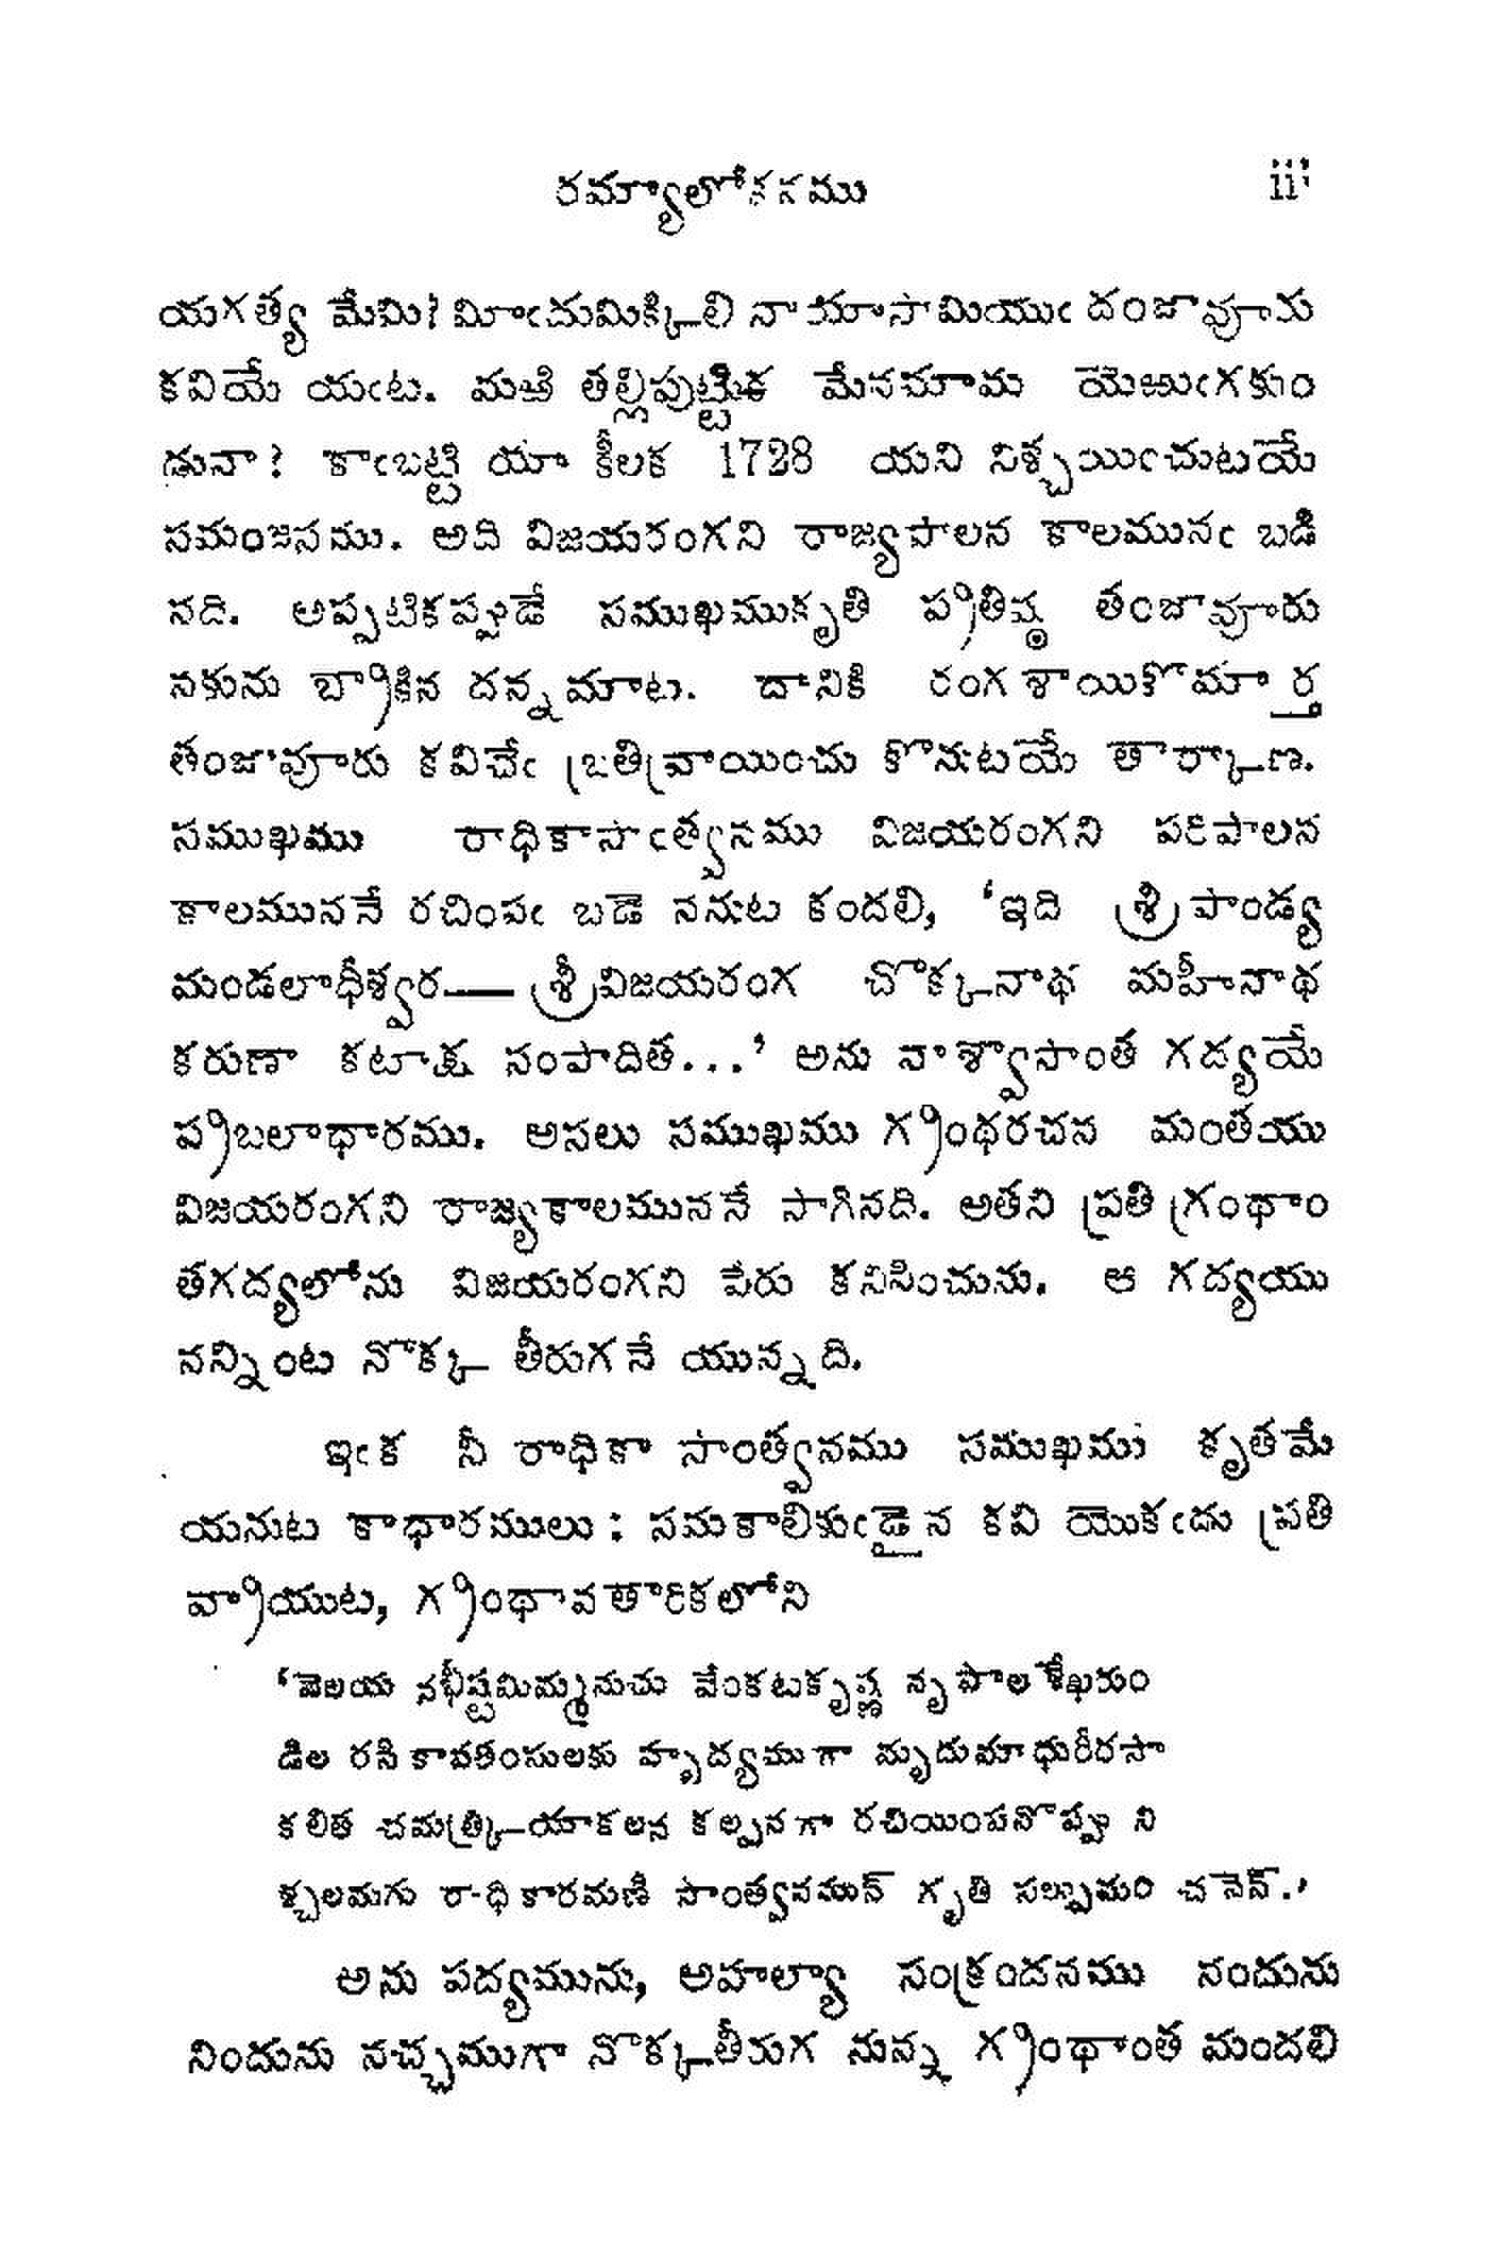యగత్య మేమి? మీఁదు మిక్కిలి నాయాసామియుఁ దంజావూరు కవియే యఁట. మఱి తల్లిపుట్టుక మేనమామ యెఱుఁగకుండునా? కాఁబట్టి యా కీలక 1728 యని నిశ్చయించుటయే సమంజసము. అది విజయరంగని రాజ్యపాలన కాలమునఁ బడినది. అప్పటికప్పుడై సముఖముకృతి ప్రతిష్ఠ తంజావూరునకును బ్రాకిన దన్నమాట. దానికి రంగశాయికొమార్త తంజావూరు కవిచేఁ బ్రతి వ్రాయించుకొనుటయే తార్కాణ. సముఖము రాధికాసాంత్వనము విజయరంగని పరిపాలన కాలముననే రచింపఁబడె ననుట కందలి ‘ఇది శ్రీపాండ్యమండలాధీశ్వర—శ్రీవిజయరంగ చొక్కనాథ మహీనాథ కరుణాకటాక్షసంపాదిత....’ అను నాశ్వాసాంతగద్యయే ప్రబలాధారము. అసలు సముఖము గ్రంథరచన మంతయు విజయరంగని రాజ్యకాలముననే సాగినది. అతని ప్రతి గ్రంథాంతగద్యలోను విజయరంగని పేరు కనిపించును. ఆ గద్యయు నన్నింట నొక్కతీరుగనే యున్నది.

ఇఁక నీ రాధికాసాంత్వనము సముఖము కృతమే యనుట కాధారములు: సమకాలికుఁడైన కవి యొకఁడు ప్రతి వ్రాయుట, గ్రంథావతారికలోని
‘వెలయ నభీష్ట మిమ్మనుచు వేంకటకృష్ణ నృపాలశేఖరుం
డిల రసికావతంసులకు హృద్యముగా మృదుమాధురీరసా
కలిత చమత్క్రియాకలన కల్పనగా రచియింపనొప్పు ని
శ్చలమగు రాధికారమణి సాంత్వనమున్ గృతి సల్పుమని చనెన్.’
అను పద్యమును, అహల్యాసంక్రందనము నందును నిందును నచ్చముగా నొక్కతీరుగ నున్న గ్రంథాంతమందలి